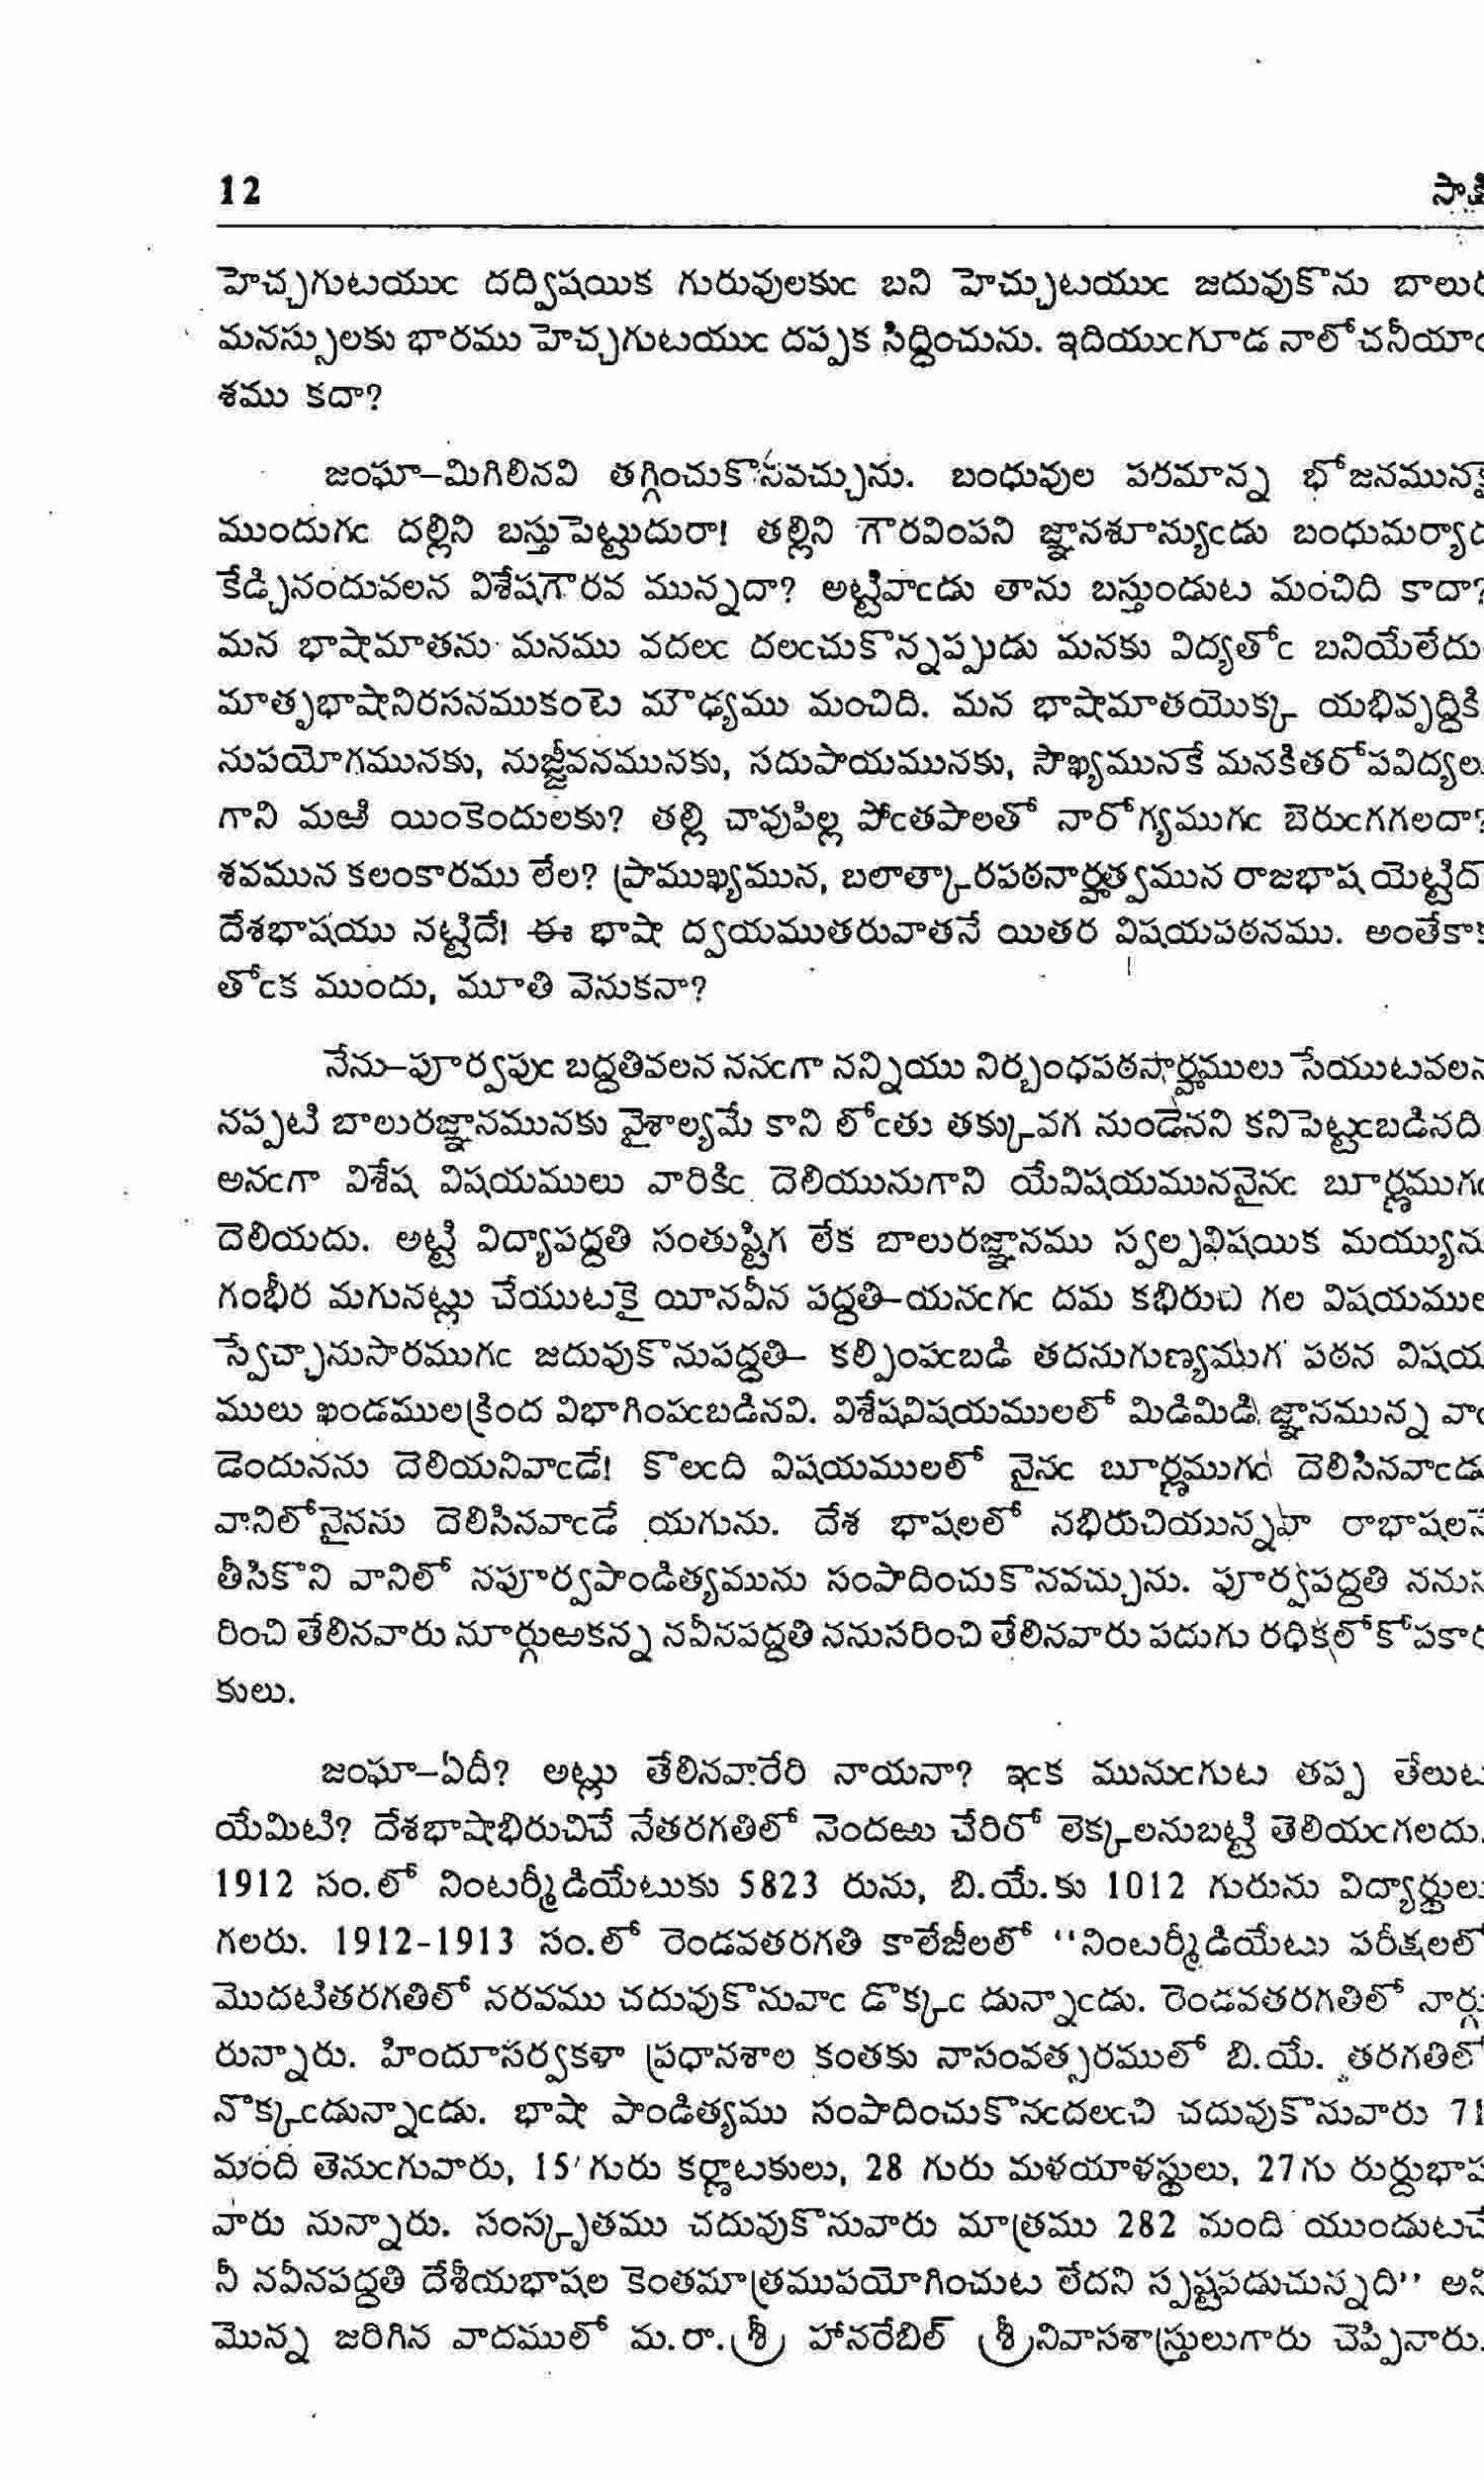హెచ్చగుటయుఁ దద్విషయిక గురువులకుఁ బని హెచ్చుటయుఁ జదువుకొను బాలుర మనస్సులకు భారము హెచ్చగుటయుఁ దప్పక సిద్ధించును. ఇదియుఁగూడ నాలోచనీయాంశము కదా?

జంఘా-మిగిలినవి తగ్గించుకొనవచ్చును. బంధువుల పరమాన్న భోజనమున్నకై ముందుగఁ దల్లిని బస్తుపెట్టుదురా! తల్లిని గౌరవింపని జ్ఞానశూన్యుఁడు బంధుమర్యాద కేడ్చినందువలన విశేషగౌరవ మున్నదా? అట్టివాఁడు తాను బస్తుండుట మంచిది కాదా? మన భాషామాతను మనము వదలఁ దలఁచుకొన్నప్పుడు మనకు విద్యతోఁ బనియేలేదు మాతృభాషానిరసనముకంటె మౌఢ్యము మంచిది. మన భాషామాతయొక్క యభివృద్ధికి నుపయోగమునకు, నుజ్జీవనమునకు, సదుపాయమునకు, సౌఖ్యమునకే మనకితరోపవిద్యలుగాని మఱి యింకెందులకు? తల్లి చావుపిల్ల పోఁతపాలతో నారోగ్యముగఁ బెరుఁగగలదా? శవమున కలంకారము లేల? ప్రాముఖ్యమున, బలాత్కార పఠనార్హత్వమున రాజభాష యెట్టిదో దేశభాషయు నట్టిదే! ఈ భాషా ద్వయముతరువాతనే యితర విషయపఠనము. అంతేకా! తోఁక ముందు, మూతి వెనుకనా?

నేను-పూర్వపుఁ బద్దతివలన ననఁగా నన్నియు నిర్బంధపఠసార్హములు సేయుటవలన నప్పటి బాలుర
జ్ఞానమునకు వైశాల్యమే కాని లోఁతు తక్కువగ నుండెనని కనిపెట్టఁబడినది అనఁగా విశేష విషయములు వారికిఁ దెలియునుగాని యేవిషయముననైనఁ బూర్ణముగఁ దెలియదు. అట్టి విద్యాపద్దతి సంతుష్టిగ లేక బాలురజ్ఞానము స్వల్పవిషయిక మయ్యును గంభీర మగునట్లు చేయుటకై యీనవీన పద్ధతి-యనఁగఁ దమ కభిరుచి గల విషయముల స్వేచ్ఛానుసారముగఁ జదువుకొనుపద్ధతి- కల్పింపఁబడి తదనుగుణ్యముగ పఠన విషయములు ఖండములక్రింద విభాగింపఁబడినవి. విశేషవిషయములలో మిడిమిడి, జ్ఞానమున్న వారి డెందునను దెలియనివాఁడే! కొలఁది విషయములలో నైనఁ బూర్ణముగఁ దెలిసినవాఁడు వానిలోనైనను దెలిసినవాఁడే యగును. దేశ భాషలలో నభిరుచియున్నవా రాభాషలనే తీసికొని వానిలో నపూర్వపాండిత్యమును సంపాదించు కొనవచ్చును. పూర్వపధ్ధతి ననుసరించి తేలినవారు నూర్గుఱకన్న నవీసపద్ధతి ననుసరించి తేలినవారు పదుగు రధికలోకోపకారకులు.

జంఘా-ఏదీ? అట్లు తేలినవారేరి నాయనా? ఇఁక మునుఁగుట తప్ప తేలుట యేమిటి? దేశభాషాభిరుచిచే నేతరగతిలో నెందఱు చేరిరో లెక్కలనుబట్టి తెలియఁగలదు. 1912 సం.లో నింటర్మీడియేటుకు 5823 రును, బి.యే.కు 1012 గురును విద్యార్థులు గలరు. 1912-1913 సం.లో రెండవతరగతి కాలేజీలలో ‘‘నింటర్మీడియేటు పరీక్షలలో మొదటితరగతిలో నరవము చదువుకొనువాఁ డొక్కఁ డున్నాఁడు. రెండవతరగతిలో నార్గురున్నారు. హిందూసర్వకళా ప్రధానశాల కంతకు నాసంవత్సరములో బి.యే. తరగతిలో నొక్కఁడున్నాఁడు. భాషా పాండిత్యము సంపాదించుకొనఁదలఁచి చదువుకొనువారు 71 మంది తెనుఁగువారు, 15 గురు కర్ణాటకులు, 28 గురు మళయాళస్థులు, 27 గు రుర్దుభాష వారు నున్నారు. సంస్కృతము చదువుకొనువారు మాత్రము 282 మంది యుండుటచే నీ నవీనపద్ధతి దేశీయభాషల కెంతమాత్రముపయోగించుట లేదని స్పష్టపడుచున్నది” అని మొన్న జరిగిన వాదములో మ.రా.శ్రీ హానరేబిల్ శ్రీనివాసశాస్త్రులుగారు చెప్పినారు.